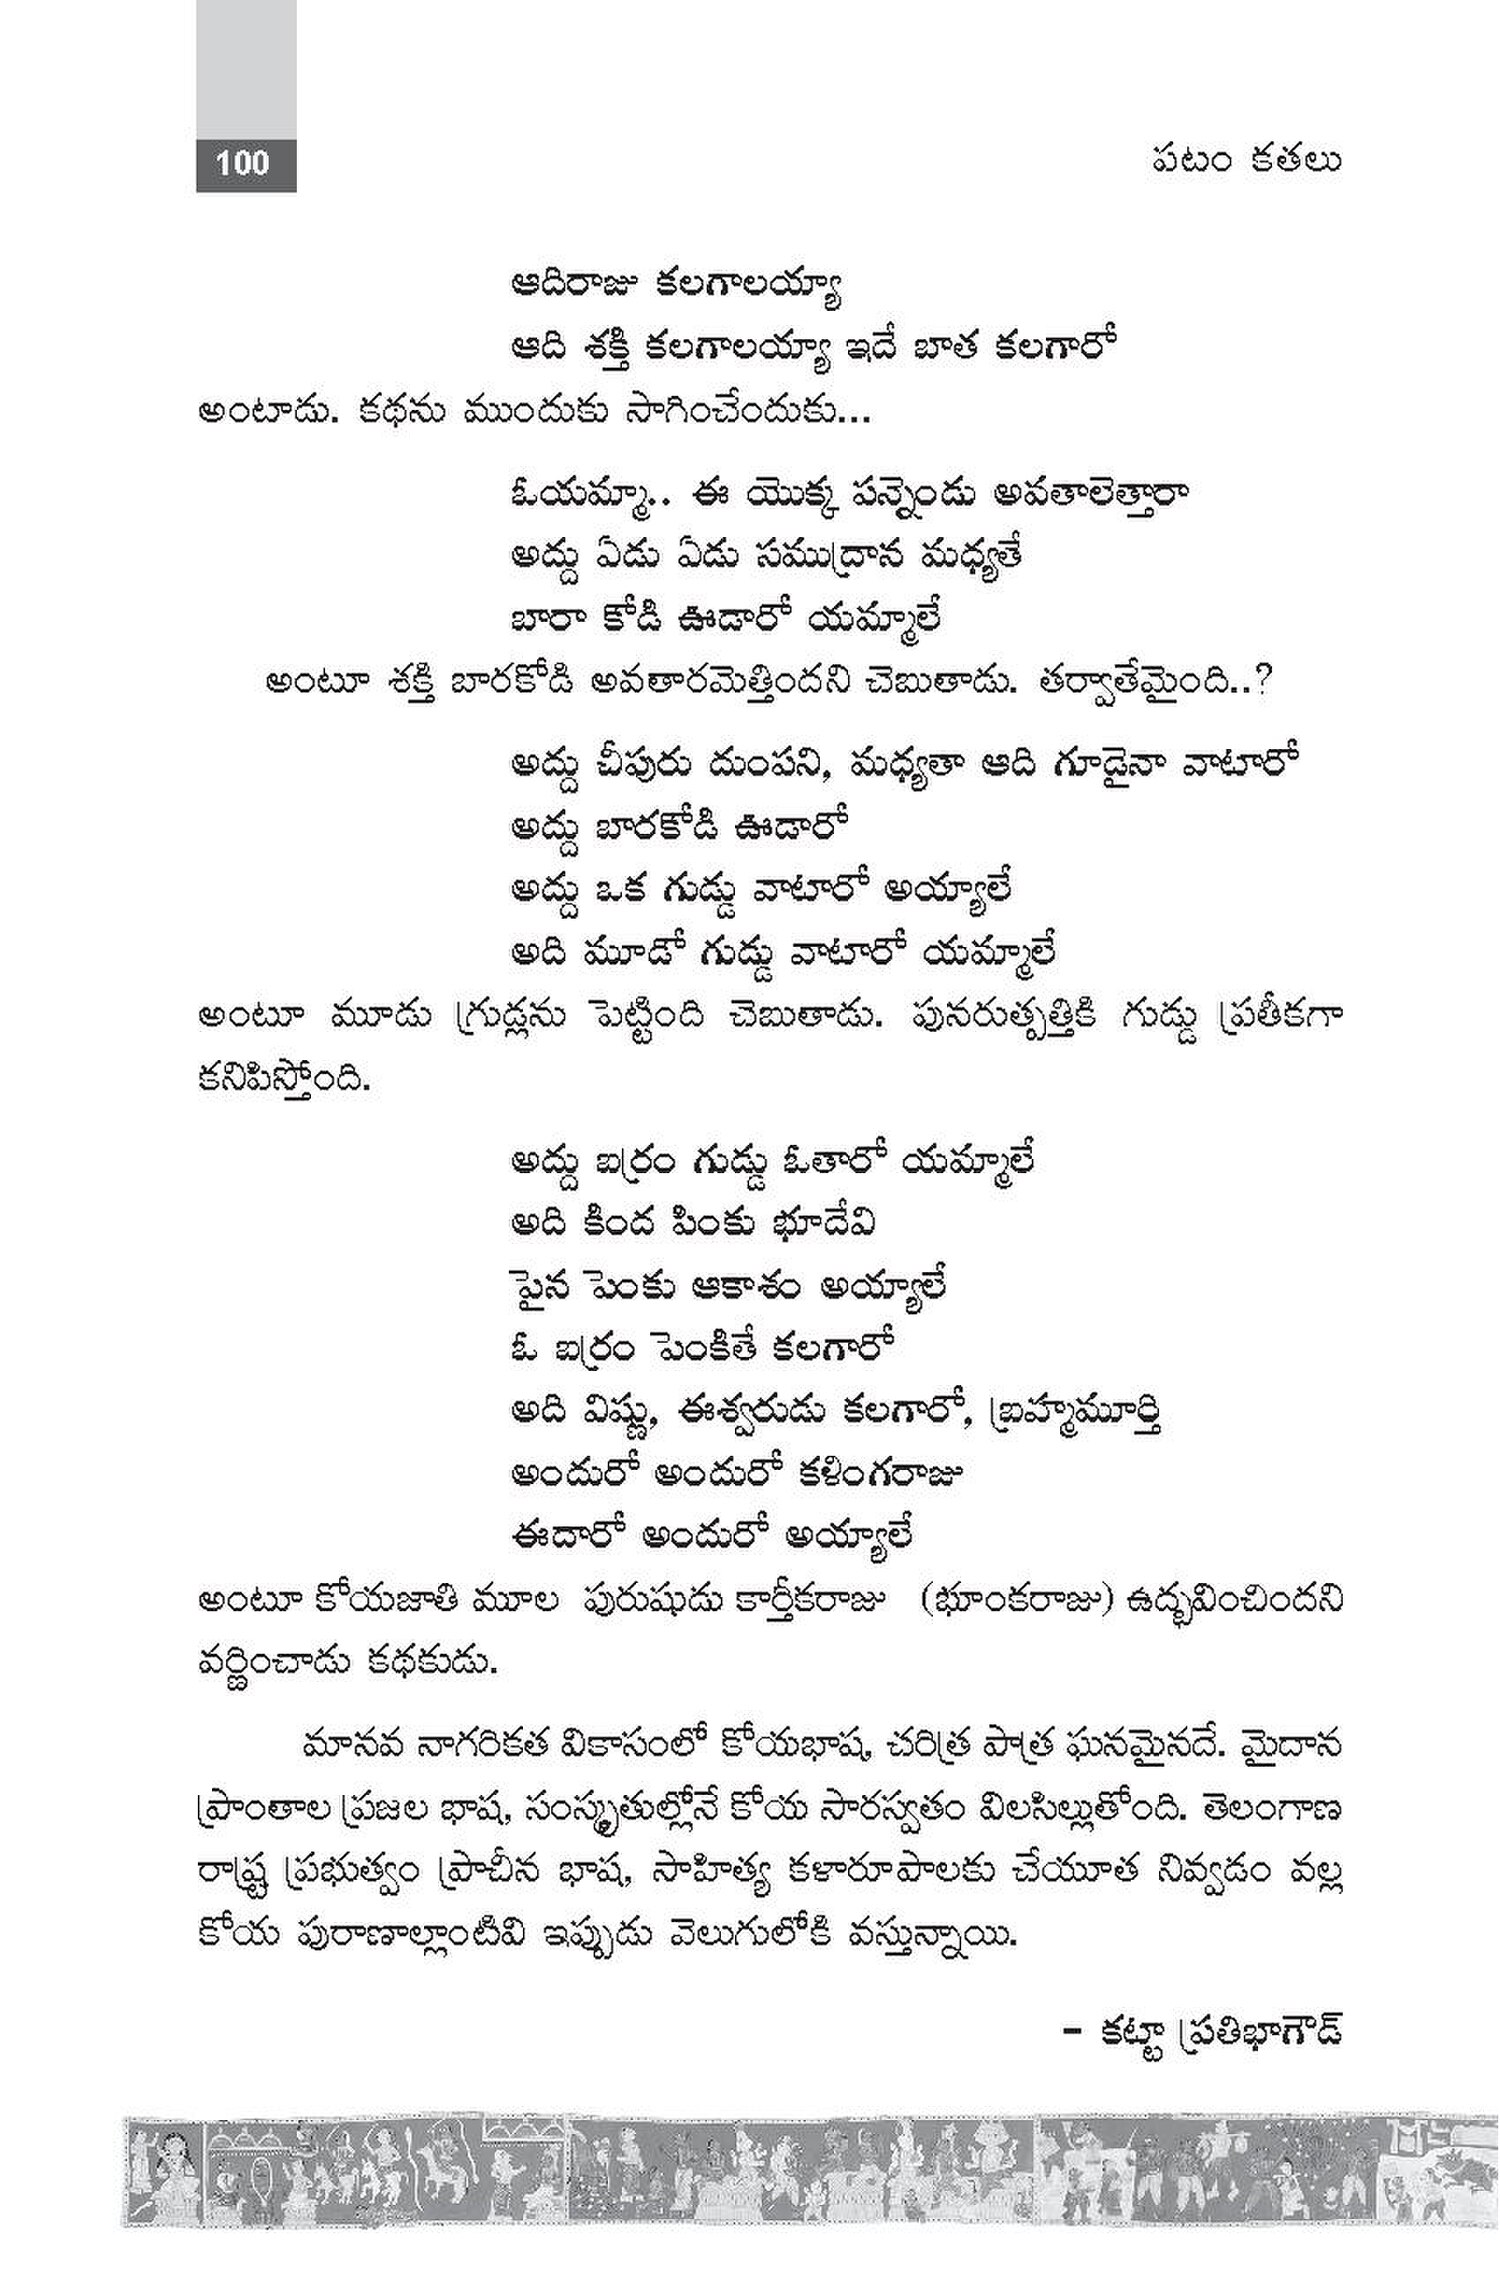ఆదిరాజు కలగాలయ్యా
ఆది శక్తి కలగాలయ్యా ఇదే ఖాత కలగారో

అంటాడు. కథను ముందుకు సాగించేందుకు...

ఓయమ్మా.. ఈ యొక్క పన్నెండు అవతాలెత్తారా
అడ్డు ఏడు ఏడు సముద్రాన మధ్యతే
బారా కోడి ఊడారో యమ్మాలే

అంటూ శక్తి బారకోడి అవతారమెత్తిందని చెబుతాడు. తర్వాతేమైంది..?

అడ్డు చీపురు దుంపని, మధ్యతా ఆది గూడైనా వాటారో
అడ్డు బారకోడి ఊదారో
అడ్డు ఒక గుడ్డు వాటాలో అయ్యాలే
అది మూడో గుడ్డు వాటారో యమ్మాలే

అంటూ మూడు గ్రుడ్లను పెట్టింది చెబుతాడు. పునరుత్పత్తికి గుడ్డు ప్రతీకగా కనిపిస్తోంది.

అడ్డు బర్రం గుడ్డు ఓతారో యమ్మాలే
అది కింద పింకు భూదేవి
పైన పెంకు ఆకాశం అయ్యాలే
ఓ ఐర్రం పెంకితే కలగారో
అది విష్ణు, ఈశ్వరుడు కలగారో, బ్రహ్మమూర్తి
అందురో అందురో కళింగరాజు
ఈదారో అందురో అయ్యాలే 

అంటూ కోయజాతి మూల పురుషుడు కార్తీకరాజు (భంకరాజు) ఉద్భవించిందని వర్ణించాడు కథకుడు.

మానవ నాగరికత వికాసంలో కోయభాష, చరిత్ర పాత్ర ఘనమైనదే. మైదాన ప్రాంతాల ప్రజల భాష, సంస్కృతుల్లోనే కోయ సారస్వతం విలసిల్లుతోంది. తెలంగాణ రాష్ట్ర ప్రభుత్వం ప్రాచీన భాష, సాహిత్య కళారూపాలకు చేయూత నివ్వడం వల్ల కోయ పురాణాల్లాంటివి ఇప్పుడు వెలుగులోకి వస్తున్నాయి.